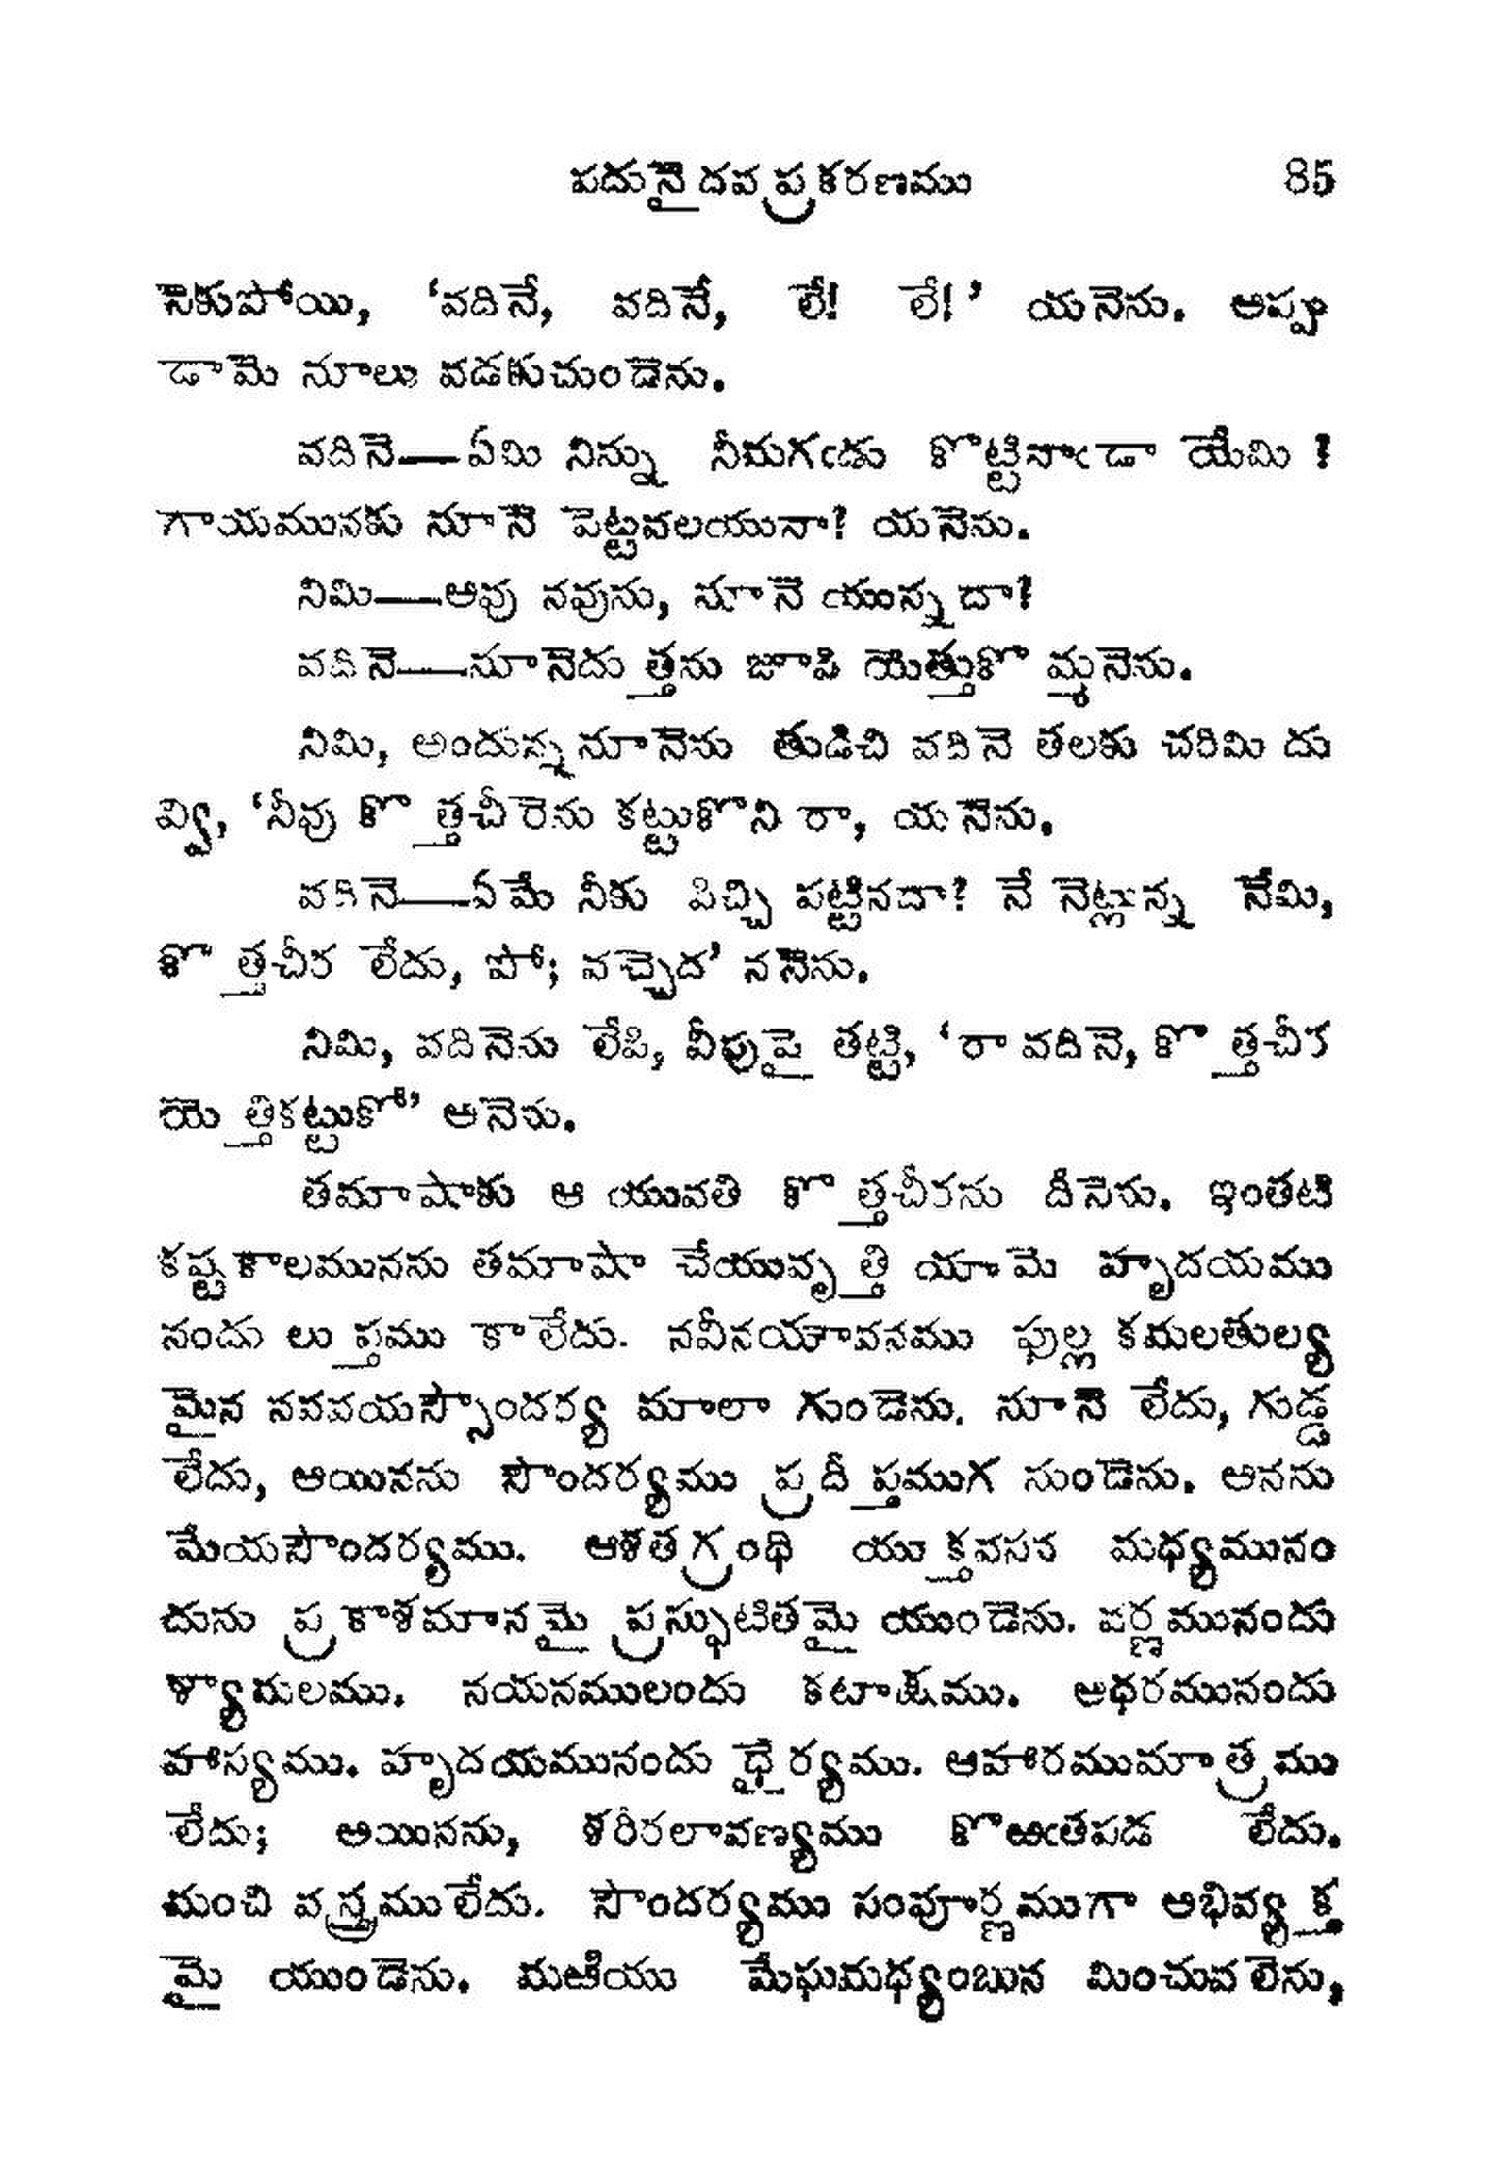సెకుపోయి, 'వదినే, వదినే, లే! లే! ' యనెను. అప్పుడామె నూలు వడకుచుండెను.

వదినె—— ఏమి నిన్ను నీమగఁడు కొట్టినాఁడా యేమి? గాయమునకు నూనె పెట్టవలయునా? యనెను.

నిమి——అవు నవును, నూనె యున్నదా?

వదినె—— నూనెదుత్తను జూపి యెత్తుకొ మ్మనెను.

నిమి, అందున్న నూనెను తుడిచి వదినె తలకు చరిమి దువ్వి, 'నీవు కొత్తచీరెను కట్టుకొని రా, యనెను,

వదినె——ఏమే నీకు పిచ్చి పట్టినదా! నే నెట్లున్న నేమి, కొత్తచీర లేదు, పో; వచ్చెద' ననెను.

నిమి, వదినెను లేపి, వీపుపై తట్టి, “రా వదినె, కొత్తచీర యెత్తికట్టుకో' అనెను.

తమాషాకు ఆ యువతి కొత్తచీరను దీసెను. ఇంతటి కష్ట కాలమునను తమాషా చేయువృత్తి యామె హృదయము
నందు లుప్తము కాలేదు. నవీనయావనము ఫుల్ల కమలతుల్యమైన నవవయస్సౌందర్య మాలా గుండెను. నూనె లేదు, గుడ్డ లేదు, అయినను సౌందర్యము ప్రదీప్తముగ నుండెను, అనను మేయసౌందర్యము, ఆశత గ్రంథి యుక్తవసన మధ్యమునం
దును ప్రకాశమానమై ప్రస్ఫుటితమై యుండెను. వర్ణమునందు శ్యామలము. నయనములందు కటాక్షము. అధరమునందు
హాస్యము, హృదయమునందు ధైర్యము. ఆహారముమాత్రము లేదు; అయినను, శరీరలావణ్యము కొఱఁతపడ లేదు.
మంచి వస్త్రము లేదు. సౌందర్యము సంపూర్ణముగా అభివ్యక్తమై యుండెను. మఱియు మేఘమధ్యంబున మించువలెను,